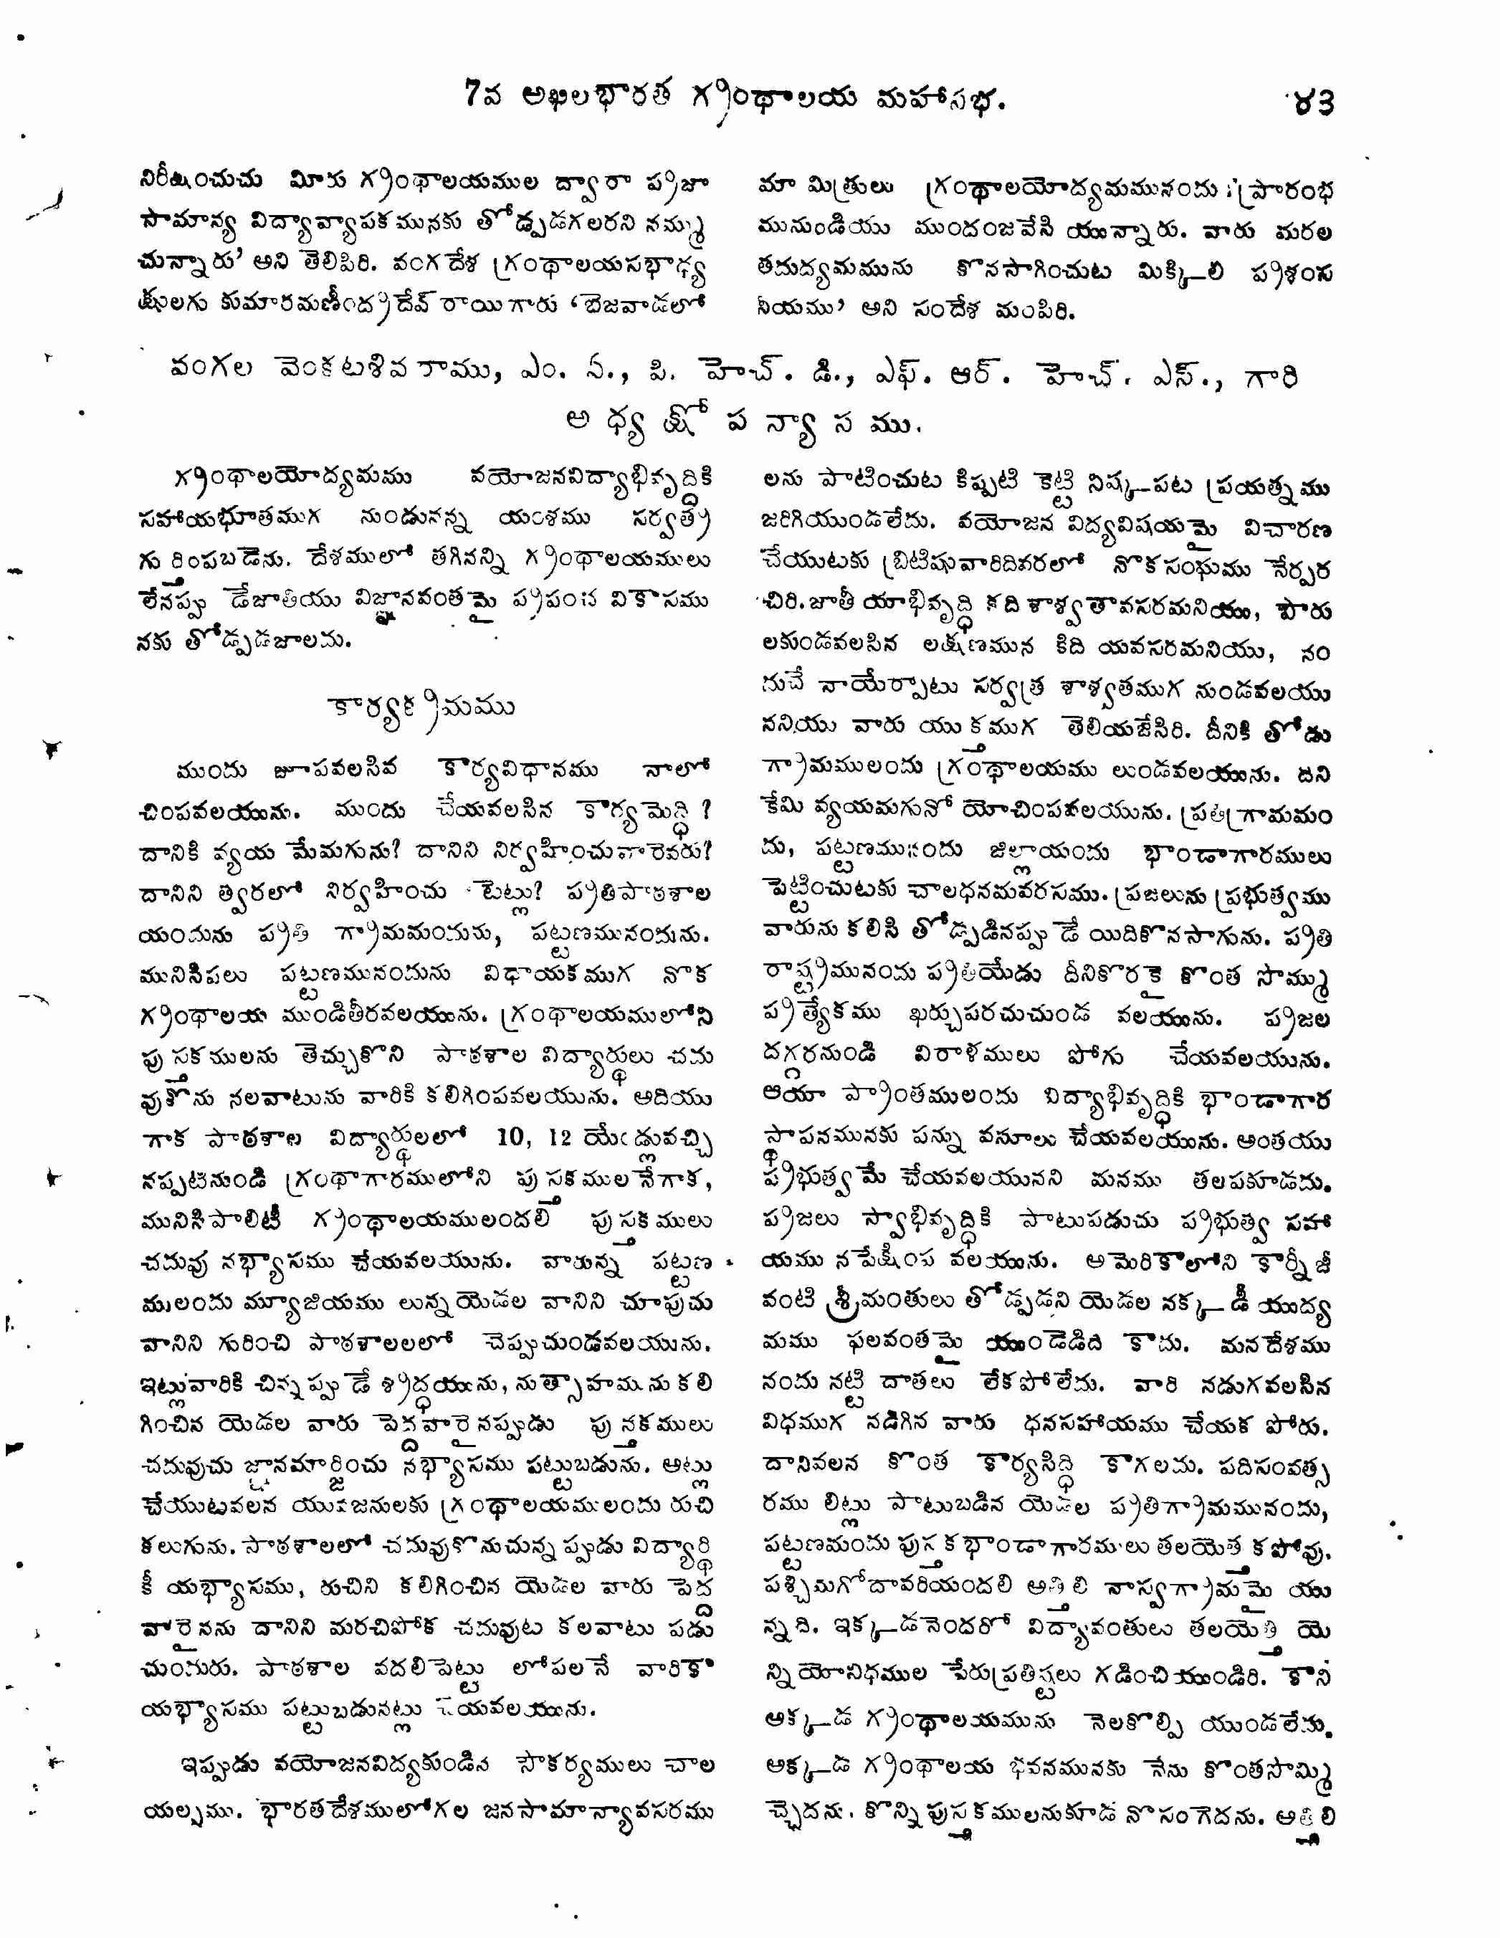నిరీక్షించుచు మీకు గ్రంథాలయముల ద్వారా ప్రజా సామాన్య విద్యావ్యాపకమునకు తోడ్పడగలరని నమ్ముచున్నారు అని తెలిపిరి. 
వంగదేశ గ్రంథాలయ సభాధ్యక్షులగు కుమారమణీంద్ర దేవ్ రాయి గారు బెజవాడలో మా మిత్రులు గ్రంథాలయోద్యమమునందు ' ప్రారంభమునుండియు ముందంజవేసి యున్నారు. వారు మరల తదుద్యమమును కొనసాగించుట మిక్కిలి ప్రశంసనీయము అని 
సందేశ మంపిరి.

గ్రంథాలయోద్యమము వయోజనవిద్యాభివృద్ధికి సహాయభూతముగ నుండునన్న యంశము సర్వత్ర గుర్తింపబడెను. దేశములో తగినన్ని గ్రంథాలయములు లేనప్పుడే జాతీయు విజ్ఞానవంతమై ప్రపంచ వికాసమునకు తోడ్పడజాలదు.

ముందు జూపవలసిన కార్యవిధానము నాలోచింపవలయును. ముందు చేయవలసిన కాగ్యమెద్ధి? దానికి వ్యయ మేమగును? దానిని నిర్వహించువారెవరు? దానిని త్వరలో నిర్వహించు టెట్లు? ప్రతి పాఠశాలయందును ప్రతి గ్రామమందురు, పట్టణమునందును.
మునిసిపలు పట్టణమునందును విధాయకముగ నొక గ్రంథాలయ ముండితీరవలయును. గ్రంథాలయములోని పుస్తకములు తెచ్చుకొని పాఠశాల విద్యార్థులు చదుపుకొను నలవాటును వారికి కలిగింపవలయును. అదియుగాక పాఠశాల విద్యార్థులలో 10, 12 యేండ్లు 
వచ్చినప్పటినుండి గ్రంథాగారములోని పుస్తకముల నేగాక, మునిసిపాలిటీ గ్రంథాలయములందలి పుస్తకములు చదువు నభ్యాసము చేయవలయును. వారున్న పట్టణములందు మ్యూజియములున్న యెడల వానిని చూపుచు, వానిని గురించి పాఠశాలలలో చెప్పుచుండ వలయును.

ఇట్లు వారికి చిన్నప్పుడే శ్రద్ధయఁను, నుత్సాహమును కలిగించిన యెడల వారు పెద్దవారైనప్పుడు పుస్తకములు చదువుచు జ్ఞానమార్జించు నభ్యాసము పట్టుబడును, ఆట్లు చేయుటవలన యువజనులకు గ్రంథాలయములందు రుచి కలుగును. సాఠశాలలో చదువుచు కొనుచున్నప్పుడు విద్యార్థి యభ్యాసము, రుచిని కలిగించిన యెడల వారు పెద్దవారైనను దానిని మరచిపోక చదువుట కలవాటుపడు
చుందురు. పాఠశాల వదలి పెట్టు లోపలనే వారికే యభ్యాసము పట్టుబడునట్లు చేయవలయును. ఇప్పుడు వయోజనవిద్యకుండిన సౌకర్యములు చాలయల్పము. భారతదేశములోగల జనసామాన్యావసరములను పాటించుట కిప్పటి కెట్టి నిష్కపట ప్రయత్నము
జరిగియుండలేదు. వయోజన విద్యవిషయమై విచారణ చేయుటకు బ్రిటిషువారిదివరలో నొక సంఘము నేర్పరచిరి. జాతీ యాభివృద్ధి 
కది శాశ్వతావసరమనియు, పౌరులకుండవలసిన లక్షణమున కిది యవసరమనియు, సందుచే నాయేర్పాటు సర్వత్ర శాశ్వతముగ నుండవలయుననియు వారు యుక్తముగా తెలియజేసిరి. దీనికి తోడు గ్రామములందు గ్రంథాలయము లుండవలయును. దీనికేమి వ్యయమగునో యోచింపవలయును. ప్రతిగ్రామమందు, పట్టణమునందు జిల్లాయందు భాండాగారములు పెట్టించుటకు చాలధన
మవరసము. ప్రజలును ప్రభుత్వము వారును కలిసి తోడ్పడినప్పుడే యిది కొనసాగును. ప్రతి రాష్ట్రమునందు ప్రతియేడు దీని కొరకై కొంత సొమ్ము ప్రత్యేకము ఖర్చుపరచుచుండ వలయును. ప్రజల దగ్గరనుండి విరాళములు పోగు చేయవలయును. ఆయా ప్రాంతములందు విద్యాభివృద్ధికి భాండాగార స్టాపనమునకు పన్ను వసూలు చేయవలయును. అంతయు ప్రభుత్వమే చేయవలయునని మనము తలపకూడదు. ప్రజలు స్వాభివృద్ధికి పాటుపడుచు ప్రభుత్వ సహాయము నపేక్షింప వలయును. అమెరికాలోని కార్నీజీ వంటి శ్రీమంతులు తోడ్పడని యెడల నక్కడీ యుద్యమము ఫలవంతమై యుండెడిది కాదు. మన దేశము దాతలు లేకపోలేదు. వారి నడుగవలసిన విధముగ నడిగిన వారు ధనసహాయము చేయక పోరు. దానివలన కొంత కార్యసిద్ధి కాగలను. పదిసంవత్సరము లిట్లు పాటుబడిన యెడల ప్రతి గామమునందు, పట్టణమందు పుస్తక భాండాగారములు తలయెత్తక పోవు. పశ్చిమగోదావరియందలి అత్తిలి నాస్వగ్రామమై యున్నది. ఇక్కడ నెందరో విద్యావంతులు తలయెత్తి యెన్నియోనిధముల పేరుప్రతిష్టలు గడించియుండిరి. కాని అక్కడ గ్రంథాలయమును నెలకొల్పి యుండలేదు. అక్కడ గ్రంథాలయ భవనమునకు నేను కొంతసొమ్మిచ్చెదను. కొన్ని పుస్తకములను కూడ నొసంగెదను. అత్తిలి